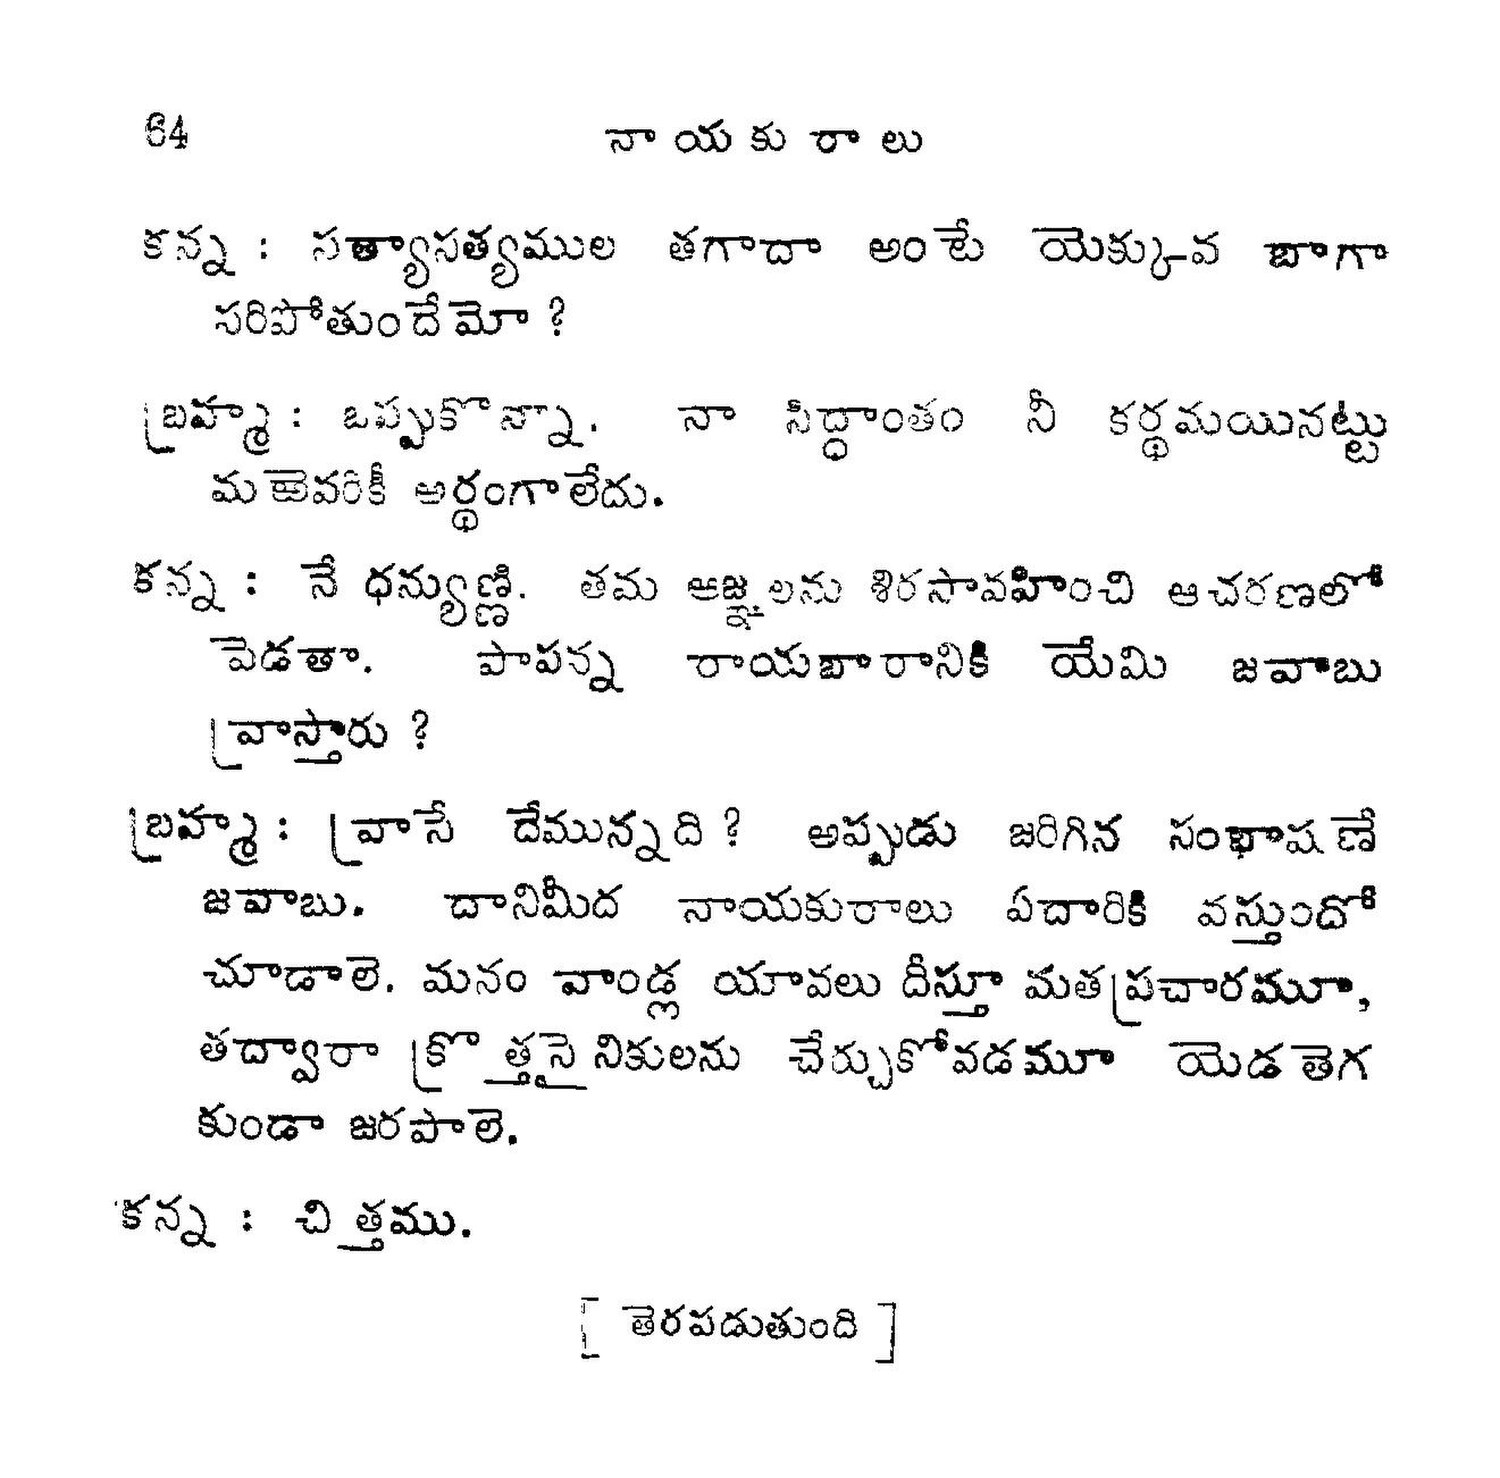కన్న : సత్యాసత్యముల తగాదా అంటే యెక్కువ బాగా సరిపోతుందేమో?

బ్రహ్మ : ఒప్పుకొన్నా. నా సిద్ధాంతం నీ కర్థమయినట్టు మఱెవరికీ అర్థంగా లేదు.

కన్న : నే ధన్యుణ్ణి. తమ ఆజ్ఞలను శిరసావహించి ఆచరణలో పెడతా. పాపన్న రాయబారానికి యేమి
జవాబు వ్రాస్తారు ?

బ్రహ్మ: వ్రాసే దేమున్నది ? అప్పుడు జరిగిన సంభాషణే జవాబు. దానిమీద నాయకురాలు ఏదారికి వస్తుందో చూడాలె. మనం వాండ్ల యావలు దీస్తూ మతప్రచారమూ, తద్వారా క్రొత్తసైనికులను చేర్చుకోవడమూ యెడతెగకుండా జరపాలె.

కన్న : చిత్తము.